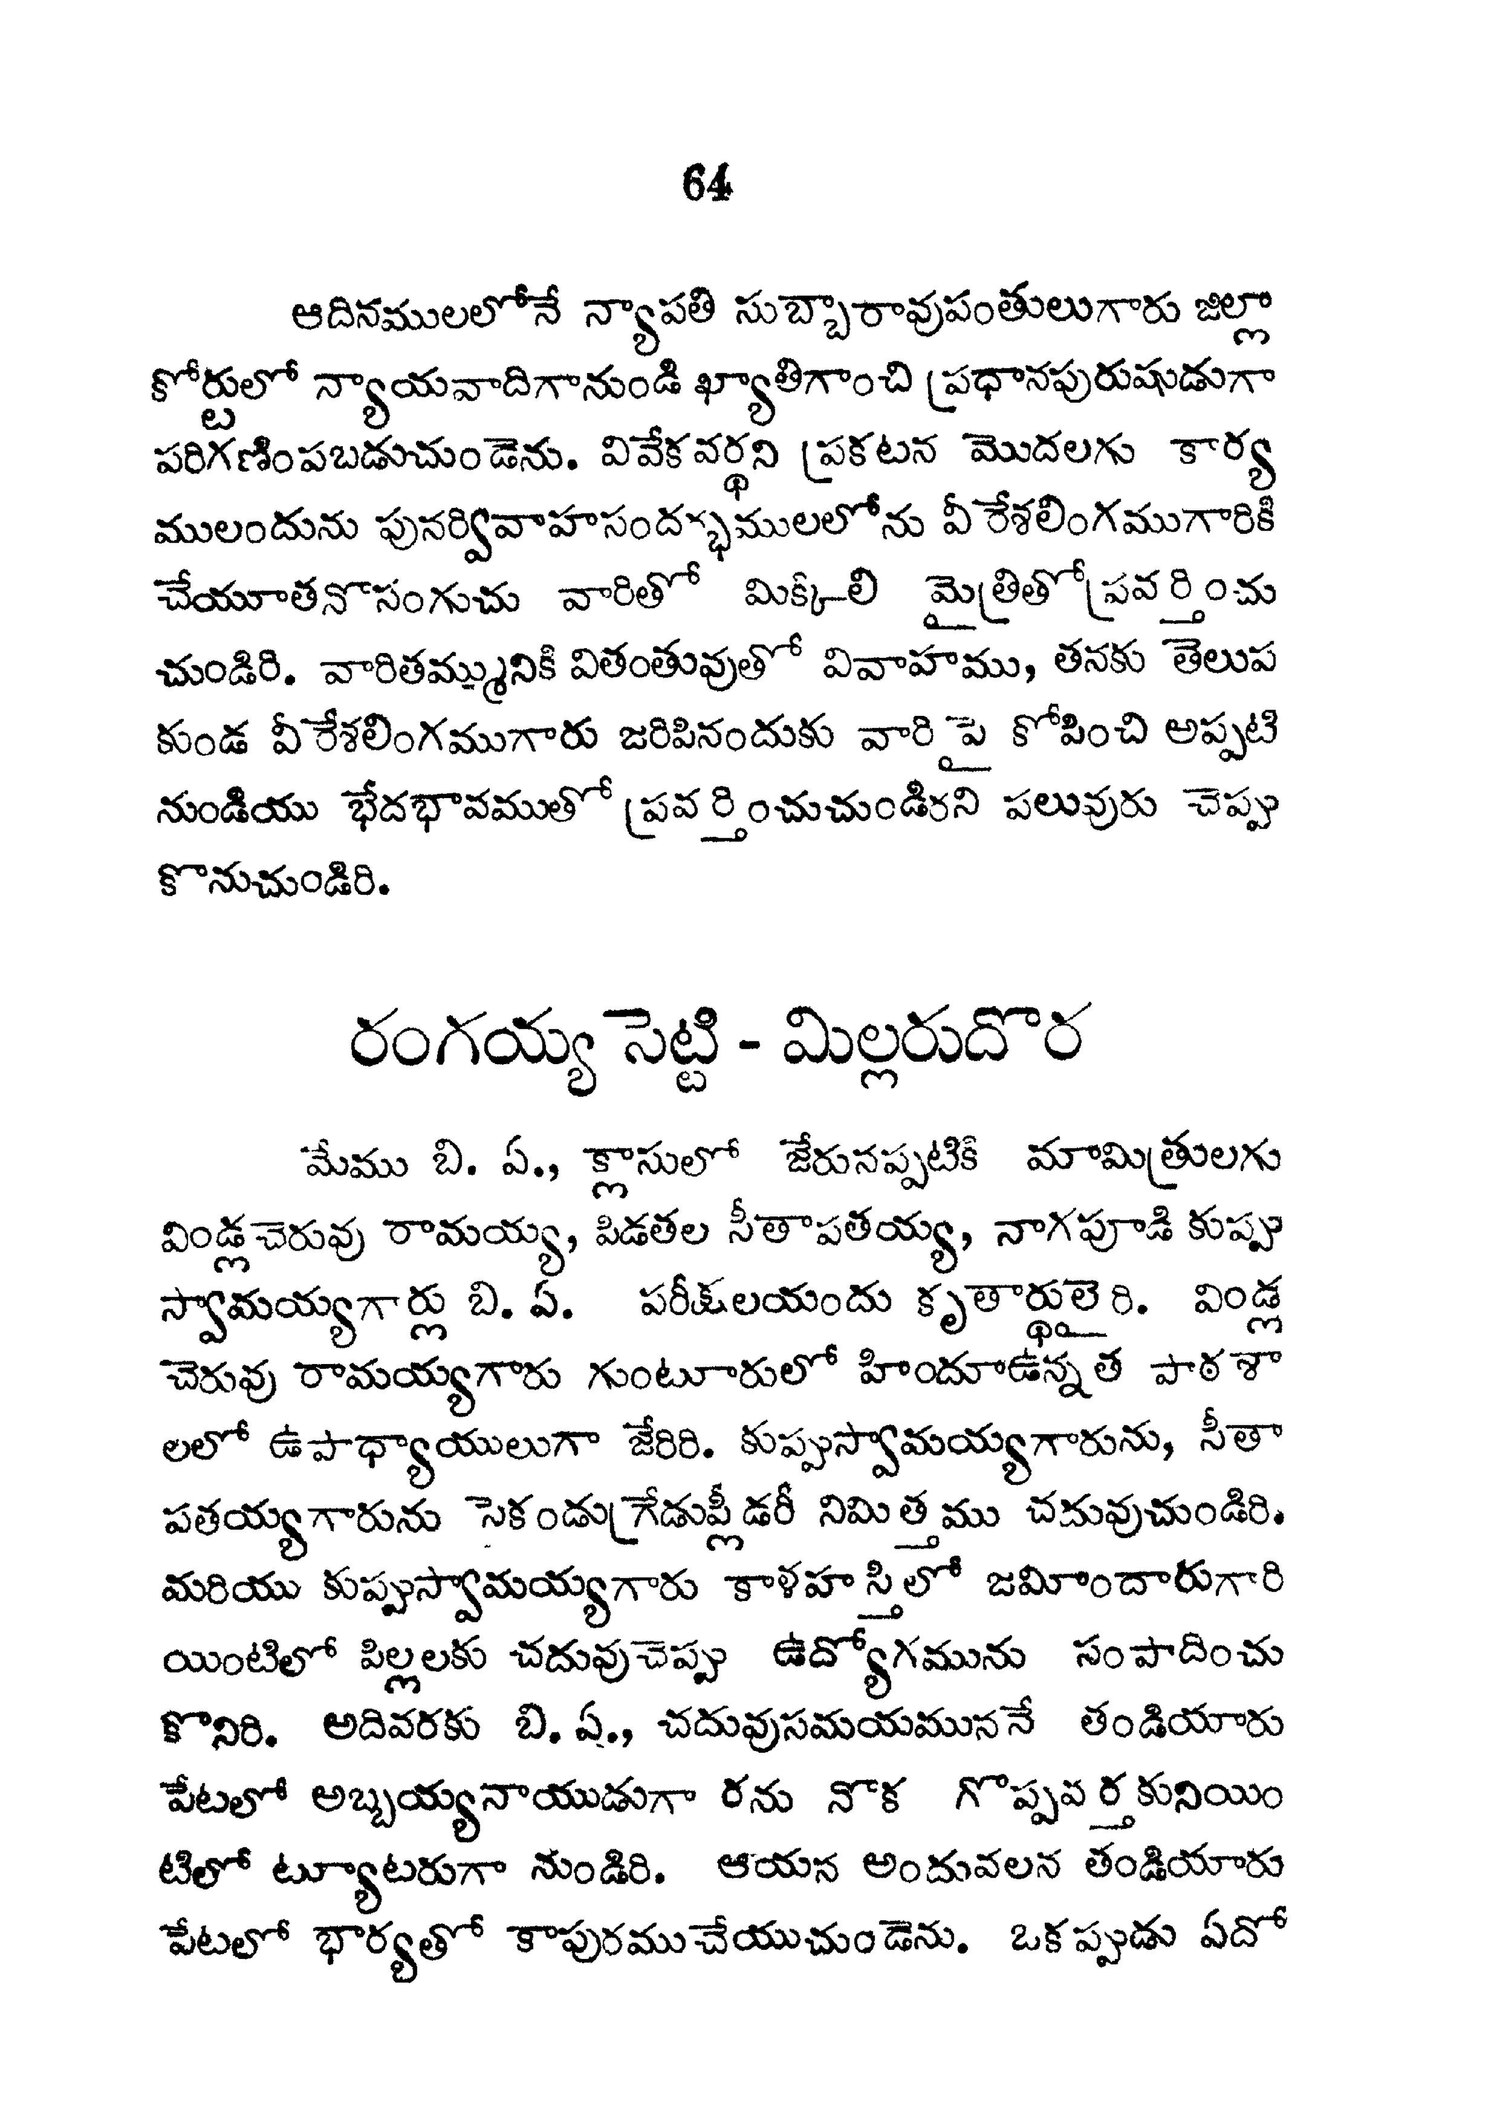ఆదినములలోనే న్యాపతి సుబ్బారావుపంతులుగారు జిల్లాకోర్టులో న్యాయవాదిగానుండి ఖ్యాతిగాంచి ప్రధానపురుషుడుగా పరిగణింపబడుచుండెను. వివేక వర్థని ప్రకటన మొదలగు కార్యములందును పునర్వివాహసందర్భములలోను వీరేశలింగముగారికి చేయూతనొసంగుచు వారితో మిక్కిలి మైత్రితో ప్రవర్తించుచుండిరి. వారితమ్మునికి వితంతువుతో వివాహము, తనకు తెలుపకుండ వీరేశలింగముగారు జరిపినందుకు వారిపై కోపించి అప్పటి నుండియు భేదభావముతో ప్రవర్తించుచుండిరని పలువురు చెప్పుకొనుచుండిరి.

మేము బి. ఏ., క్లాసులో జేరునప్పటికి మామిత్రులగు విండ్లచెరువు రామయ్య, పిడతల సీతాపతయ్య, నాగపూడి కుప్పుస్వామయ్యగార్లు బి. ఏ. పరీక్షలయందు కృతార్థులైరి. విండ్లచెరువు రామయ్యగారు గుంటూరులో హిందూఉన్నత పాఠశాలలో ఉపాధ్యాయులుగా జేరిరి. కుప్పుస్వామయ్యగారును, సీతాపతయ్యగారును సెకండుగ్రేడుప్లీడరీ నిమిత్తము చదువుచుండిరి. మరియు కుప్పుస్వామయ్యగారు కాళహస్తీలో జమీందారుగారి యింటిలో పిల్లలకు చదువుచెప్పు ఉద్యోగమును సంపాదించుకొనిరి. అదివరకు బి. ఏ., చదువుసమయముననే తండియారుపేటలో అబ్బయ్యనాయుడుగా రను నొక గొప్పవర్తకునియింటిలో ట్యూటరుగా నుండిరి. ఆయన అందువలన తండియారుపేటలో భార్యతో కాపురముచేయుచుండెను. ఒకప్పుడు ఏదో